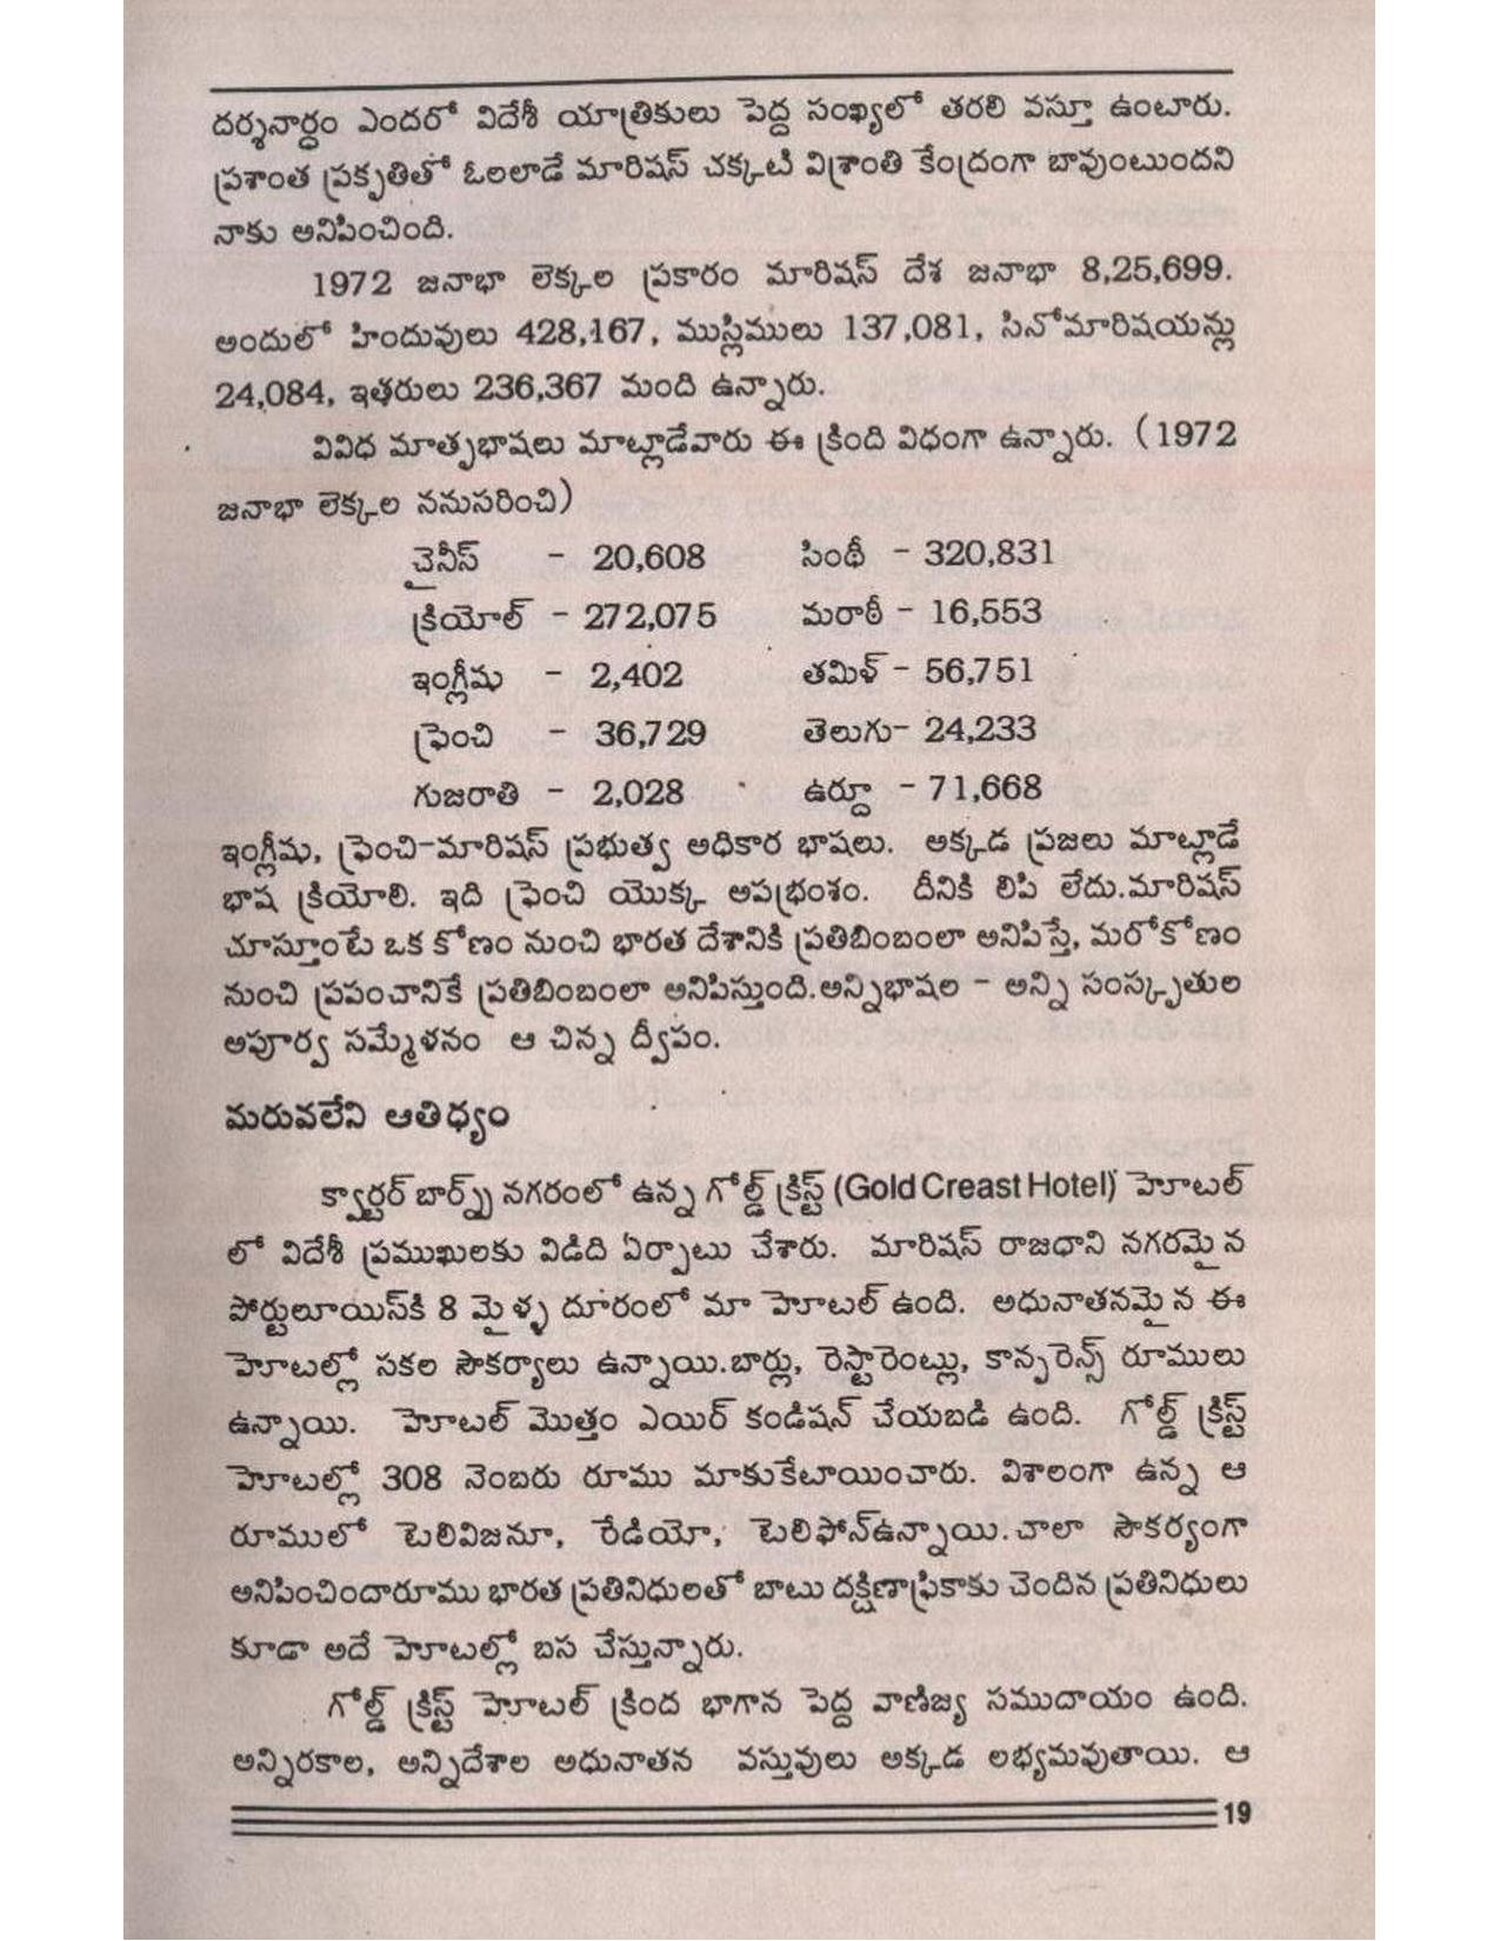దర్శనార్ధం ఎందరో విదేశీ యాత్రికులు పెద్ద సంఖ్యలో తరలి వస్తూ ఉంటారు. ప్రశాంత ప్రకృతితో ఓలలాడే మారిషస్ చక్కటి విశ్రాంతి కేంద్రంగా బావుంటుందని నాకు అనిపించింది.

1972 జనాభా లెక్కల ప్రకారం మారిషస్ దేశ జనాభా 825,699. అందులో హిందువులు 428,167, ముస్లిములు 137,081, సినోమారిషయన్లు 24,084, ఇతరులు 236,367 మంది ఉన్నారు.

వివిధ మాతృభాషలు మాట్లాడేవారు ఈ క్రింది విధంగా ఉన్నారు. (1972 జనాభా లెక్కల ననుసరించి)

చైనీస్ - 20,608 సింధీ- 320,831 క్రియోల్ - 272,075 మరాఠీ - 16,553 ఇంగ్లీషు - 2,402 తమిళ్ - 56,751ఫ్రెంచి - 36,729 తెలుగు- 24,233 గుజరాతి - 2,028 ఉర్దూ - 71,668

ఇంగ్లీషు, ఫ్రెంచి-మారిషస్ ప్రభుత్వ అధికార భాషలు. అక్కడ ప్రజలు మాట్లాడే భాష క్రియోలి. ఇది ఫ్రెంచి యొక్క అపభ్రంశం. దీనికి లిపి లేదు. మారిషస్ చూస్తుంటే ఒక కోణం నుంచి భారత దేశానికి ప్రతిబింబంలా అనిపిస్తే, మరోకోణం నుంచి ప్రపంచానికే ప్రతిబింబంలా అనిపిస్తుంది. అన్నిభాషల - అన్ని సంస్కృతుల అపూర్వ సమ్మేళనం ఆ చిన్న ద్వీపం.

మరువలేని ఆతిధ్యం

క్వార్టర్ బార్న్ నగరంలో ఉన్న గోల్డ్ క్రిస్ట్ (Gold Creast Hotel) హోటల్ లో విదేశీ ప్రముఖులకు విడిది ఏర్పాటు చేశారు. మారిషస్ రాజధాని నగరమైన పోర్టులూయిస్ కి 8 మైళ్ళ దూరంలో మా హోటల్ ఉంది. అధునాతనమైన ఈ హోటల్లో సకల సౌకర్యాలు ఉన్నాయి. బార్లు, రెస్టారెంట్లు, కాన్ఫరెన్స్ రూములు ఉన్నాయి. హోటల్ మొత్తం ఎయిర్ కండీషన్ చేయబడి ఉంది. గోల్డ్ క్రిస్ట్ హోటల్లో 308 నెంబరు రూము మాకు కేటాయించారు. విశాలంగా ఉన్న ఆ రూములో టెలివిజనూ, రేడియో, టెలిఫోన్ ఉన్నాయి. చాలా సౌకర్యంగా అనిపించిందా రూము భారత ప్రతినిధులతో బాటు దక్షిణాఫ్రికాకు చెందిన ప్రతినిధులు కూడా అదే హోటల్లో బస చేస్తున్నారు.

గోల్డ్ క్రిస్ట్ హోటల్ క్రింద భాగాన పెద్ద వాణిజ్య సముదాయం ఉంది. అన్నిరకాల, అన్నిదేశాల అధునాతన వస్తువులు అక్కడ లభ్యమవుతాయి. ఆ